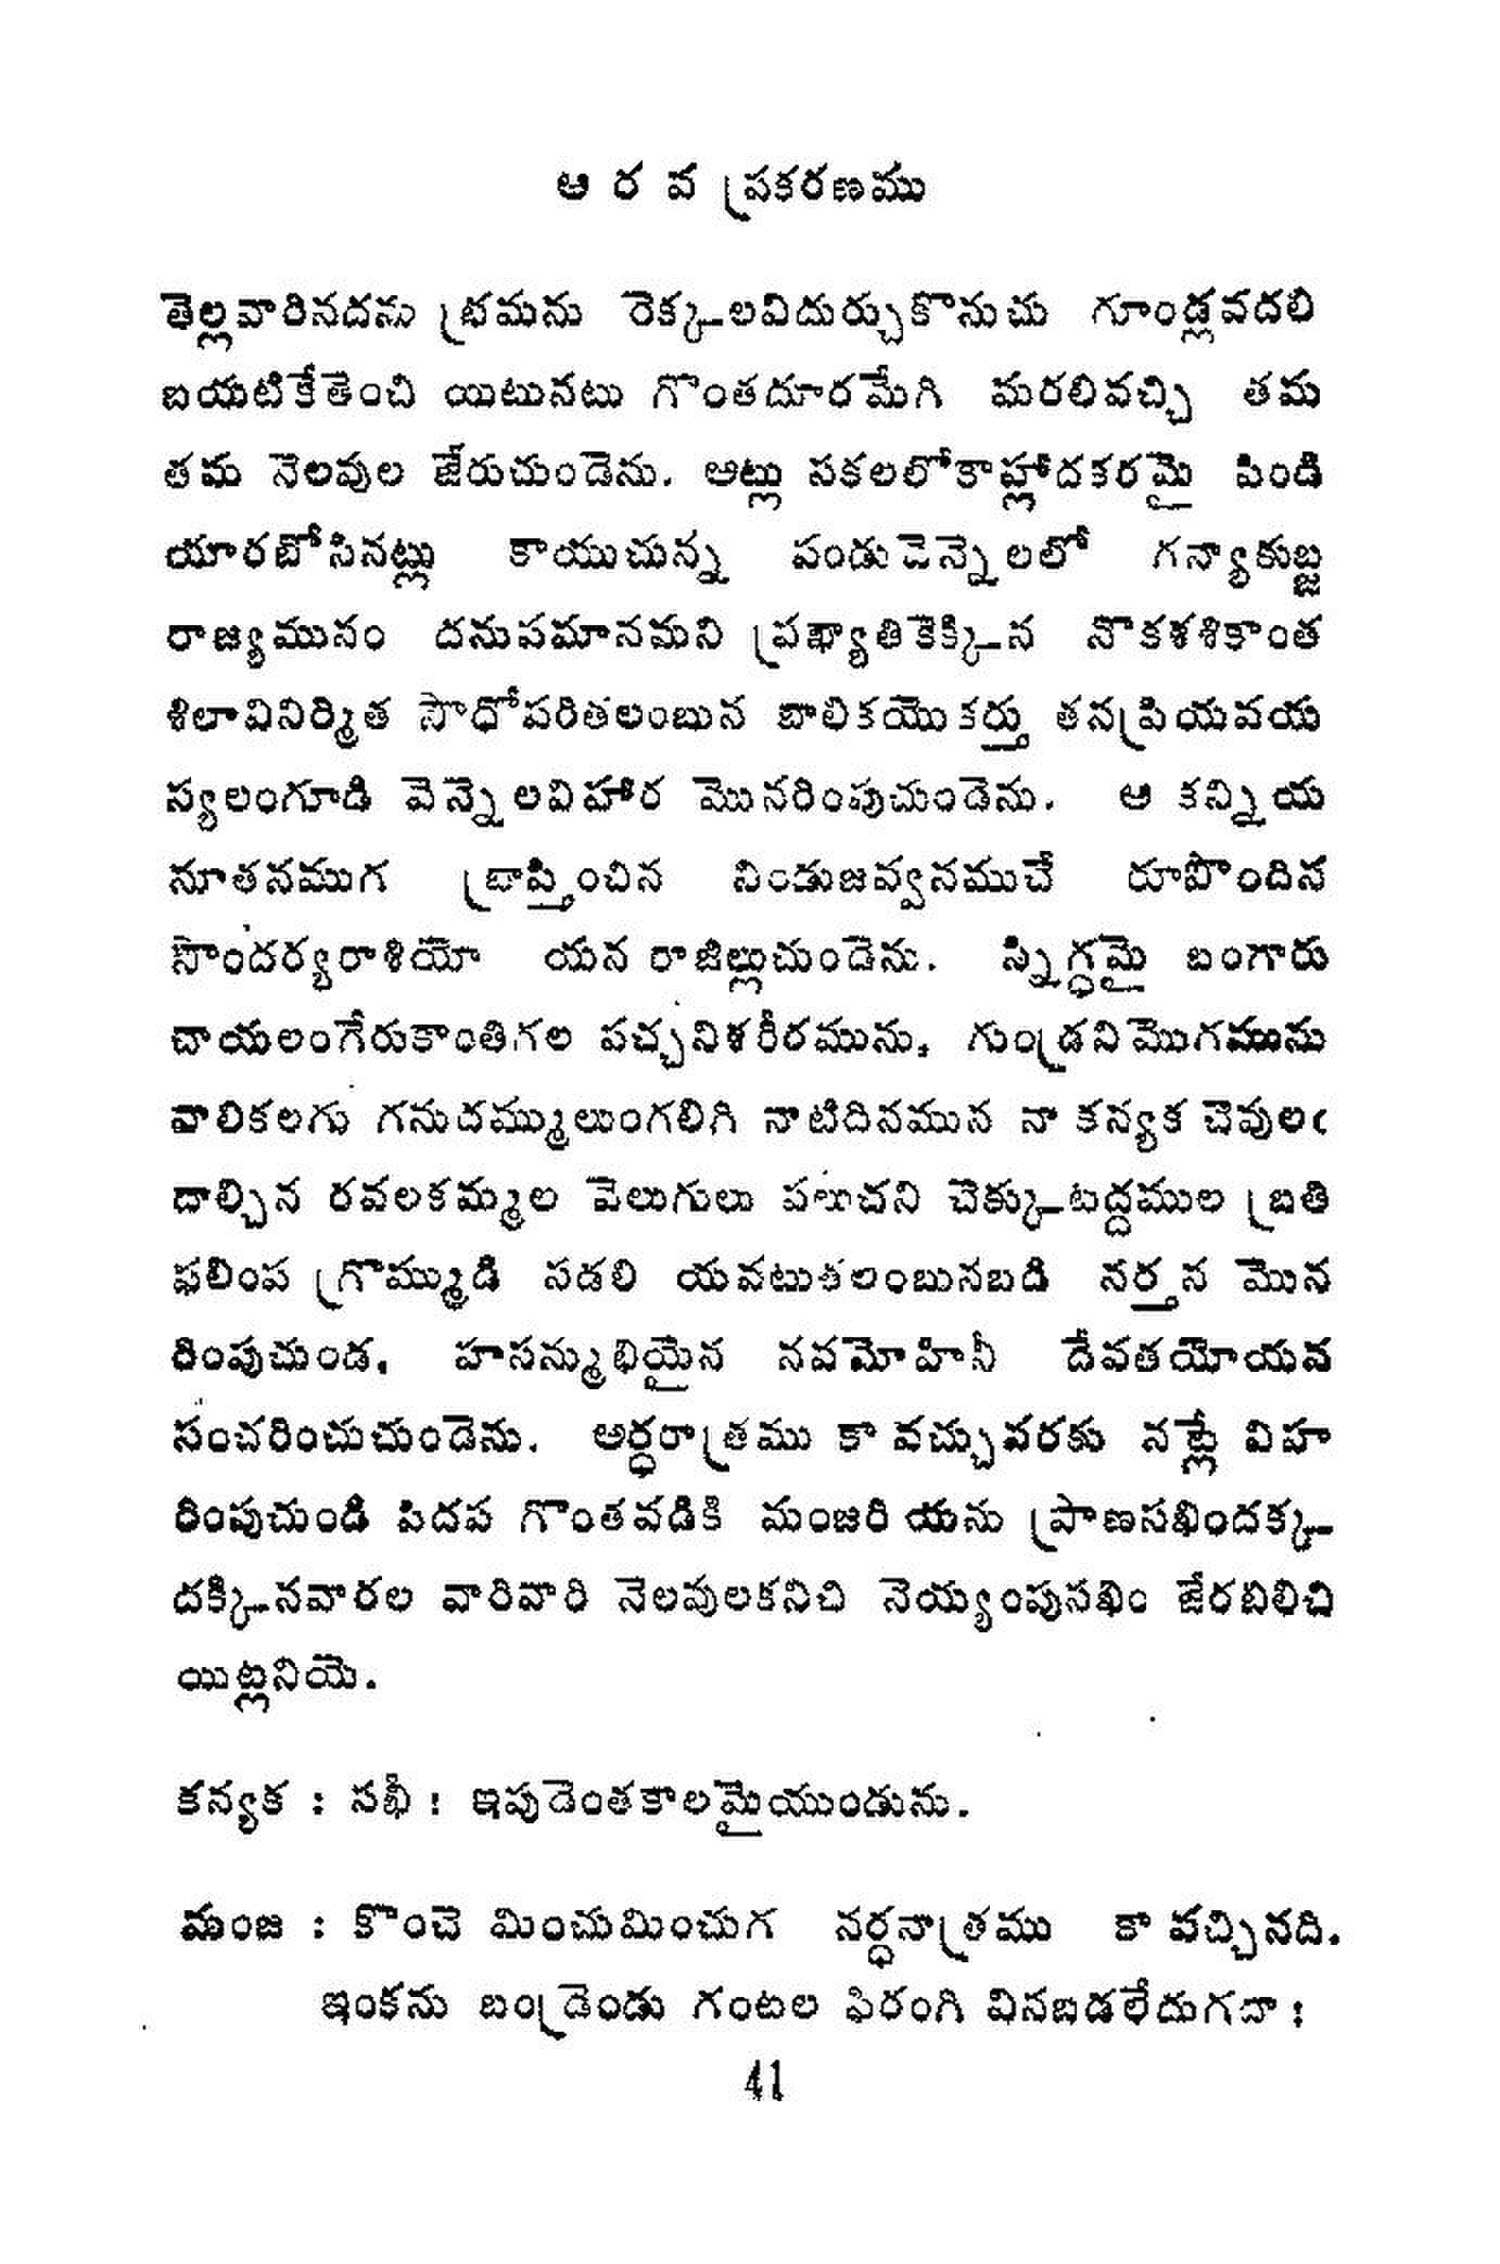తెల్లవారినదను భ్రమను రెక్కలవిదుర్చుకొనుచు గూండ్లవదలి బయటికేతెంచి యిటునటు గొంతదూరమేగి మరలివచ్చి తమ తమ నెలవుల జేరుచుండెను. అట్లు సకలలోకాహ్లాదకరమై పిండియారబోసినట్లు కాయుచున్న పండువెన్నెలలో గన్యాకుబ్జ రాజ్యమునం దనుపమానమని ప్రఖ్యాతికెక్కిన నొకశశికాంత శీలావినిర్మిత సౌధోపరితలంబున బాలికయొకర్తు తనప్రియవయస్యలంగూడి వెన్నెలవిహార మొనరింపుచుండెను. ఆ కన్నియ నూతనముగ బ్రాప్తించిన నిండుజవ్వనముచే రూపొందిన సౌందర్యరాశియో యన రాజిల్లుచుండెను. స్నిగ్ధమై బంగారు చాయలంగేరుకాంతిగల పచ్చనిశరీరమును, గుండ్రనిమొగమును వాలికలగు గనుదమ్ములుంగలిగి నాటిదినమున నా కన్యక చెవులఁ దాల్చిన రవలకమ్మల వెలుగులు పలుచని చెక్కుటద్దముల బ్రతిఫలింప గ్రొమ్ముడి సడలి యవటుతలంబునబడి నర్తన మొనరింపుచుండ, హసన్ముఖియైన నవమోహినీ దేవతయోయన సంచరించుచుండెను. అర్దరాత్రము కా వచ్చువరకు నట్లే విహరింపుచుండి పిదప గొంతవడికి మంజరి యను ప్రాణసఖిందక్క. దక్కినవారల వారివారి నెలవులకనిచి నెయ్యంపుసఖిం జేరబిలిచి యిట్లనియె. 

కన్యక : సఖీ ! ఇపుడెంతకాలమైయుండును.

మంజ : కొంచె మించుమించుగ నర్ధరాత్రము కా వచ్చినది. ఇంకను బండ్రెండు గంటల ఫిరంగి వినబడలేదుగదా !